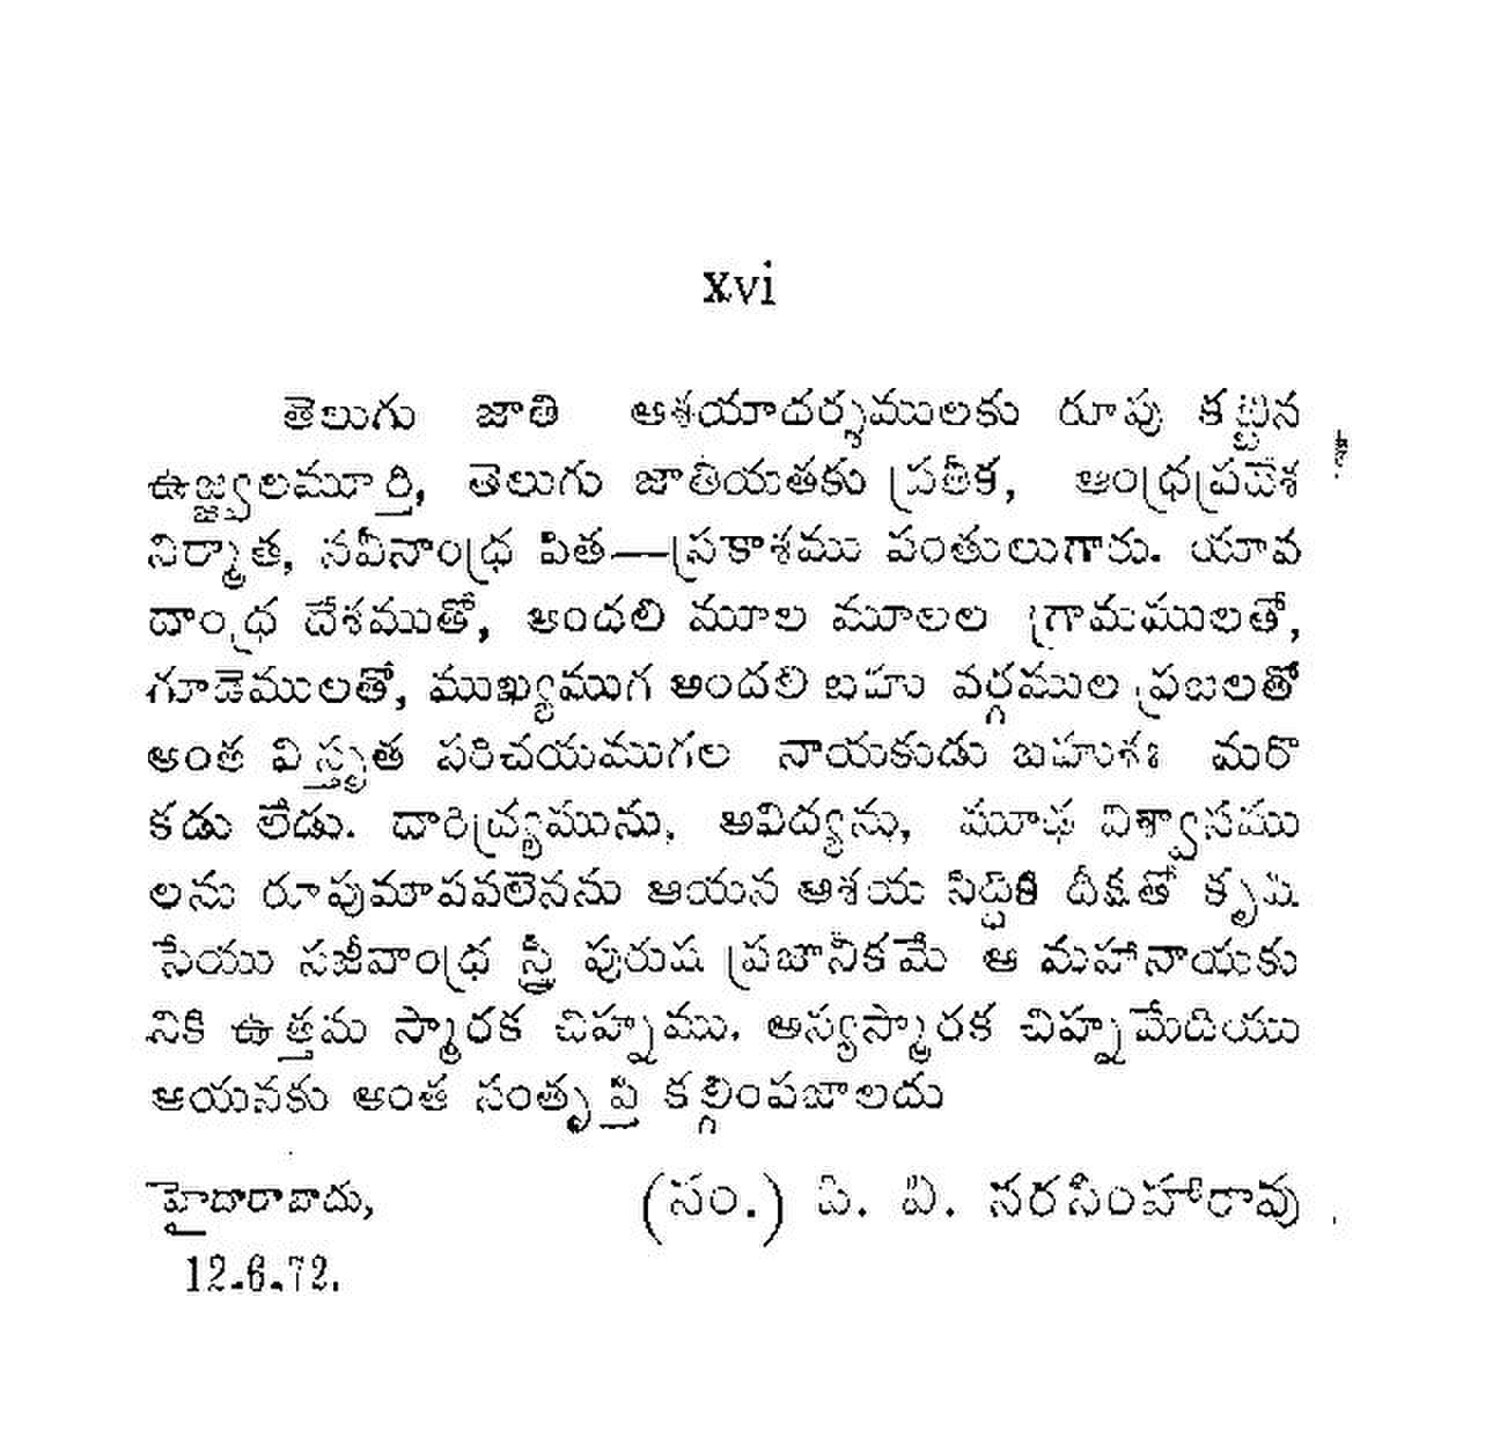తెలుగు జాతి ఆశయాదర్శములకు రూపు కట్టిన ఉజ్జ్వలమూర్తి, తెలుగు జాతియతకు ప్రతీక, ఆంధ్ర ప్రదేశ నిర్మాత, నవీనాంధ్ర పిత - ప్రకాశము పంతులుగారు. యావదాంధ్ర దేశముతో, అందలి మూల మూలల గ్రామములతో, గూడెములతో, ముఖ్యముగ అందలి బహు వర్గముల ప్రజలతో అంత విస్తృత పరిచయముగల నాయకుడు బహుశ: మరొకడు లేడు. దారిద్ర్యమును, అవిద్యను, మూఢ విశ్వాసములను రూపుమాపవలెనను ఆయన ఆశయ సిద్ధికి దీక్షతో కృషిసేయు సజీవాంధ్ర స్త్రీ పురుష ప్రజానీకమే ఆ మహానాయకునికి ఉత్తమ స్మారక చిహ్నము. అన్యస్మారక చిహ్నమేదియు ఆయనకు అంత సంతృప్తి కల్గింపజాలదు.

హైదారాబాదు,12-6-72.(సం.) పి. వి. నరసింహారావు